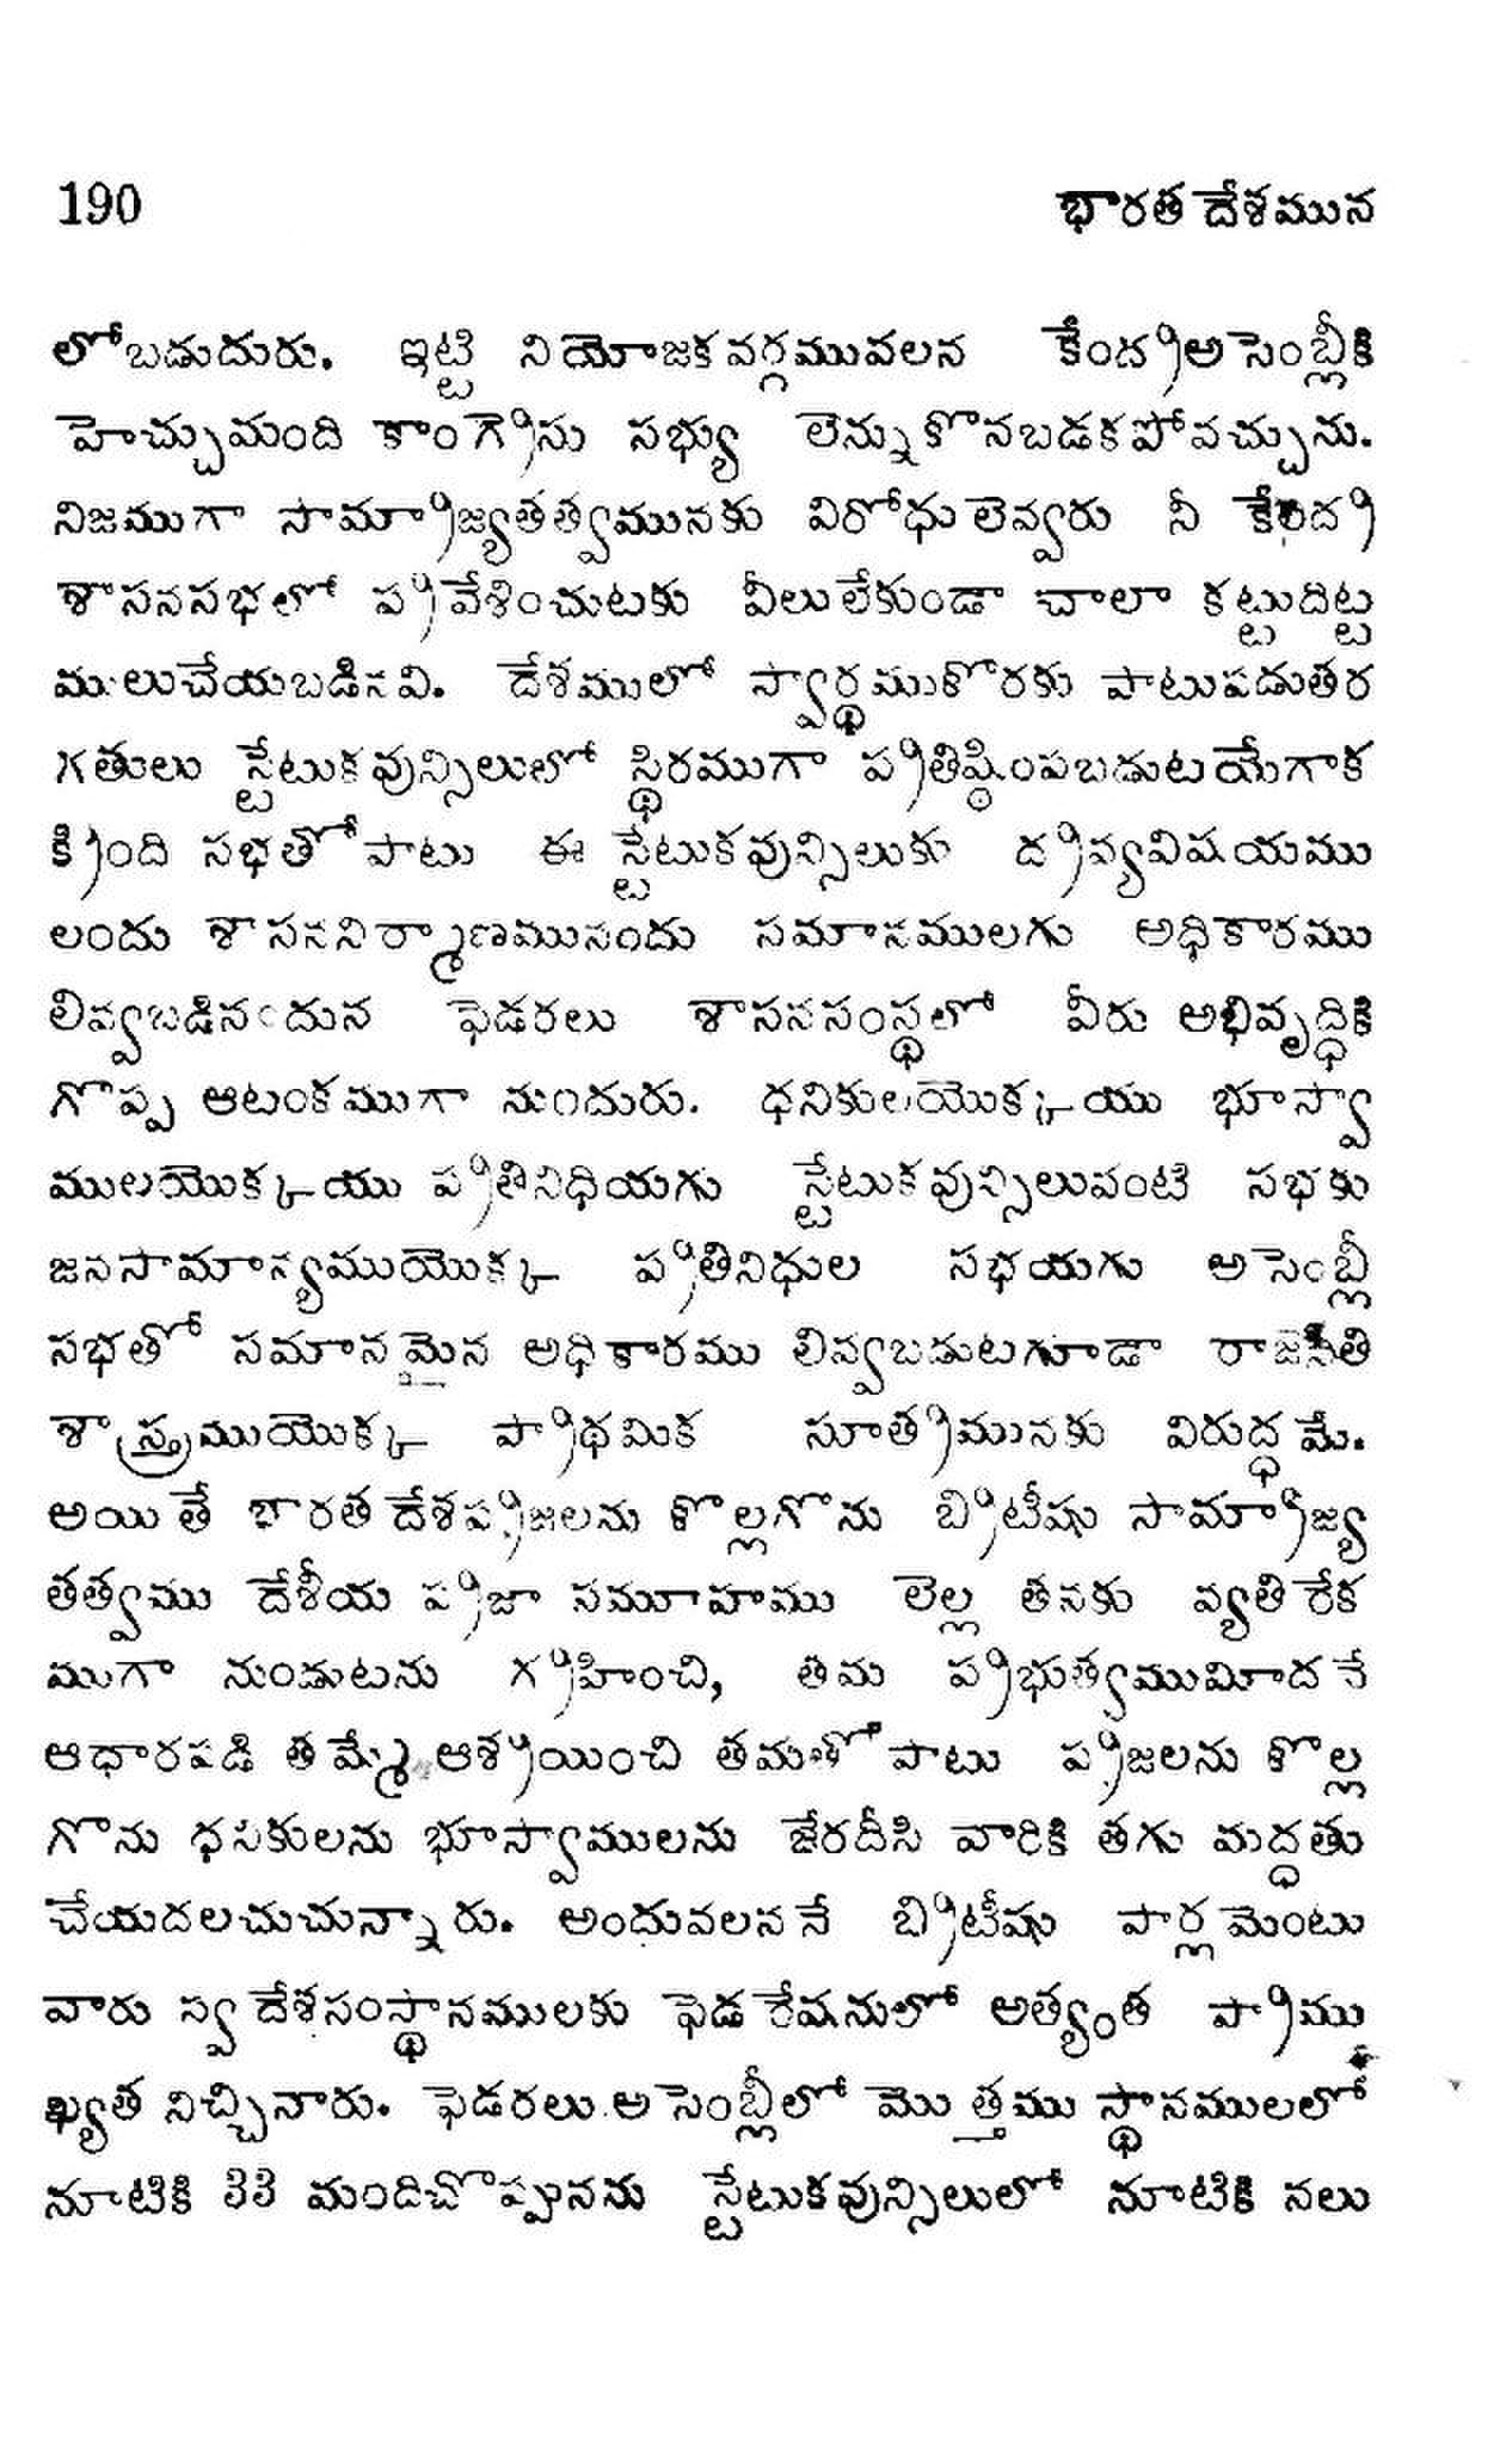లోబడుదురు. ఇట్టి నియోజకవర్గమువలన కేంద్రఅసెంబ్లీకి హెచ్చుమంది కాంగ్రెసు సభ్యు లెన్నుకొనబడకపోవచ్చును. నిజముగా సామ్రాజ్యతత్వమునకు విరోధులెవ్వరు నీ కేంద్రశాసనసభలో ప్రవేశించుటకు వీలులేకుండా చాలా కట్టుదిట్టములుచేయబడినవి. దేశములో స్వార్థముకొరకు పాటుపడుతరగతులు స్టేటుకవున్సిలులో స్థిరముగా ప్రతిష్టింపబడుటయేగాక క్రింది సభతో పాటు ఈ స్టేటుకవున్సిలుకు ద్రవ్యవిషయములందు శాససనిర్మాణమునందు సమానములగు అధికారము లివ్వబడినందున ఫెడరలు శాసనసంస్థలో వీరు అభివృద్ధికి గొప్ప ఆటంకముగా నుందురు. ధనికులయొక్కయు భూస్వాములయొక్కయు ప్రతినిధియగు స్టేటుకవున్సిలువంటి సభకు జనసామాన్యముయొక్క ప్రతినిధుల సభయగు అసెంబ్లీసభతో సమానమైన అధికారము లివ్వబడుటగూడా రాజనీతిశాస్త్రముయొక్క ప్రాథమిక సూత్రమునకు విరుద్దమే. అయితే భారతదేశప్రజలను కొల్లగొను బ్రిటీషు సామ్రాజ్యతత్వము దేశీయ ప్రజా సమూహము లెల్ల తనకు వ్యతిరేకముగా నుండుటను గ్రహించి, తమ ప్రభుత్వముమీదనే ఆధారపడి తమ్మే ఆశ్రయించి తమతోపాటు ప్రజలను కొల్లగొను ధనికులను భూస్వాములను జేరదీసి వారికి తగు మద్దతు చేయదలచుచున్నారు. అందువలననే బ్రిటీషు పార్లమెంటువారు స్వదేశసంస్థానములకు ఫెడరేషనులో అత్యంత ప్రాముఖ్యత నిచ్చినారు. ఫెడరలు అసెంబ్లీలో మొత్తము స్థానములలో నూటికి 33 మందిచొప్పునను స్టేటుకవున్సిలులో నూటికి నలు